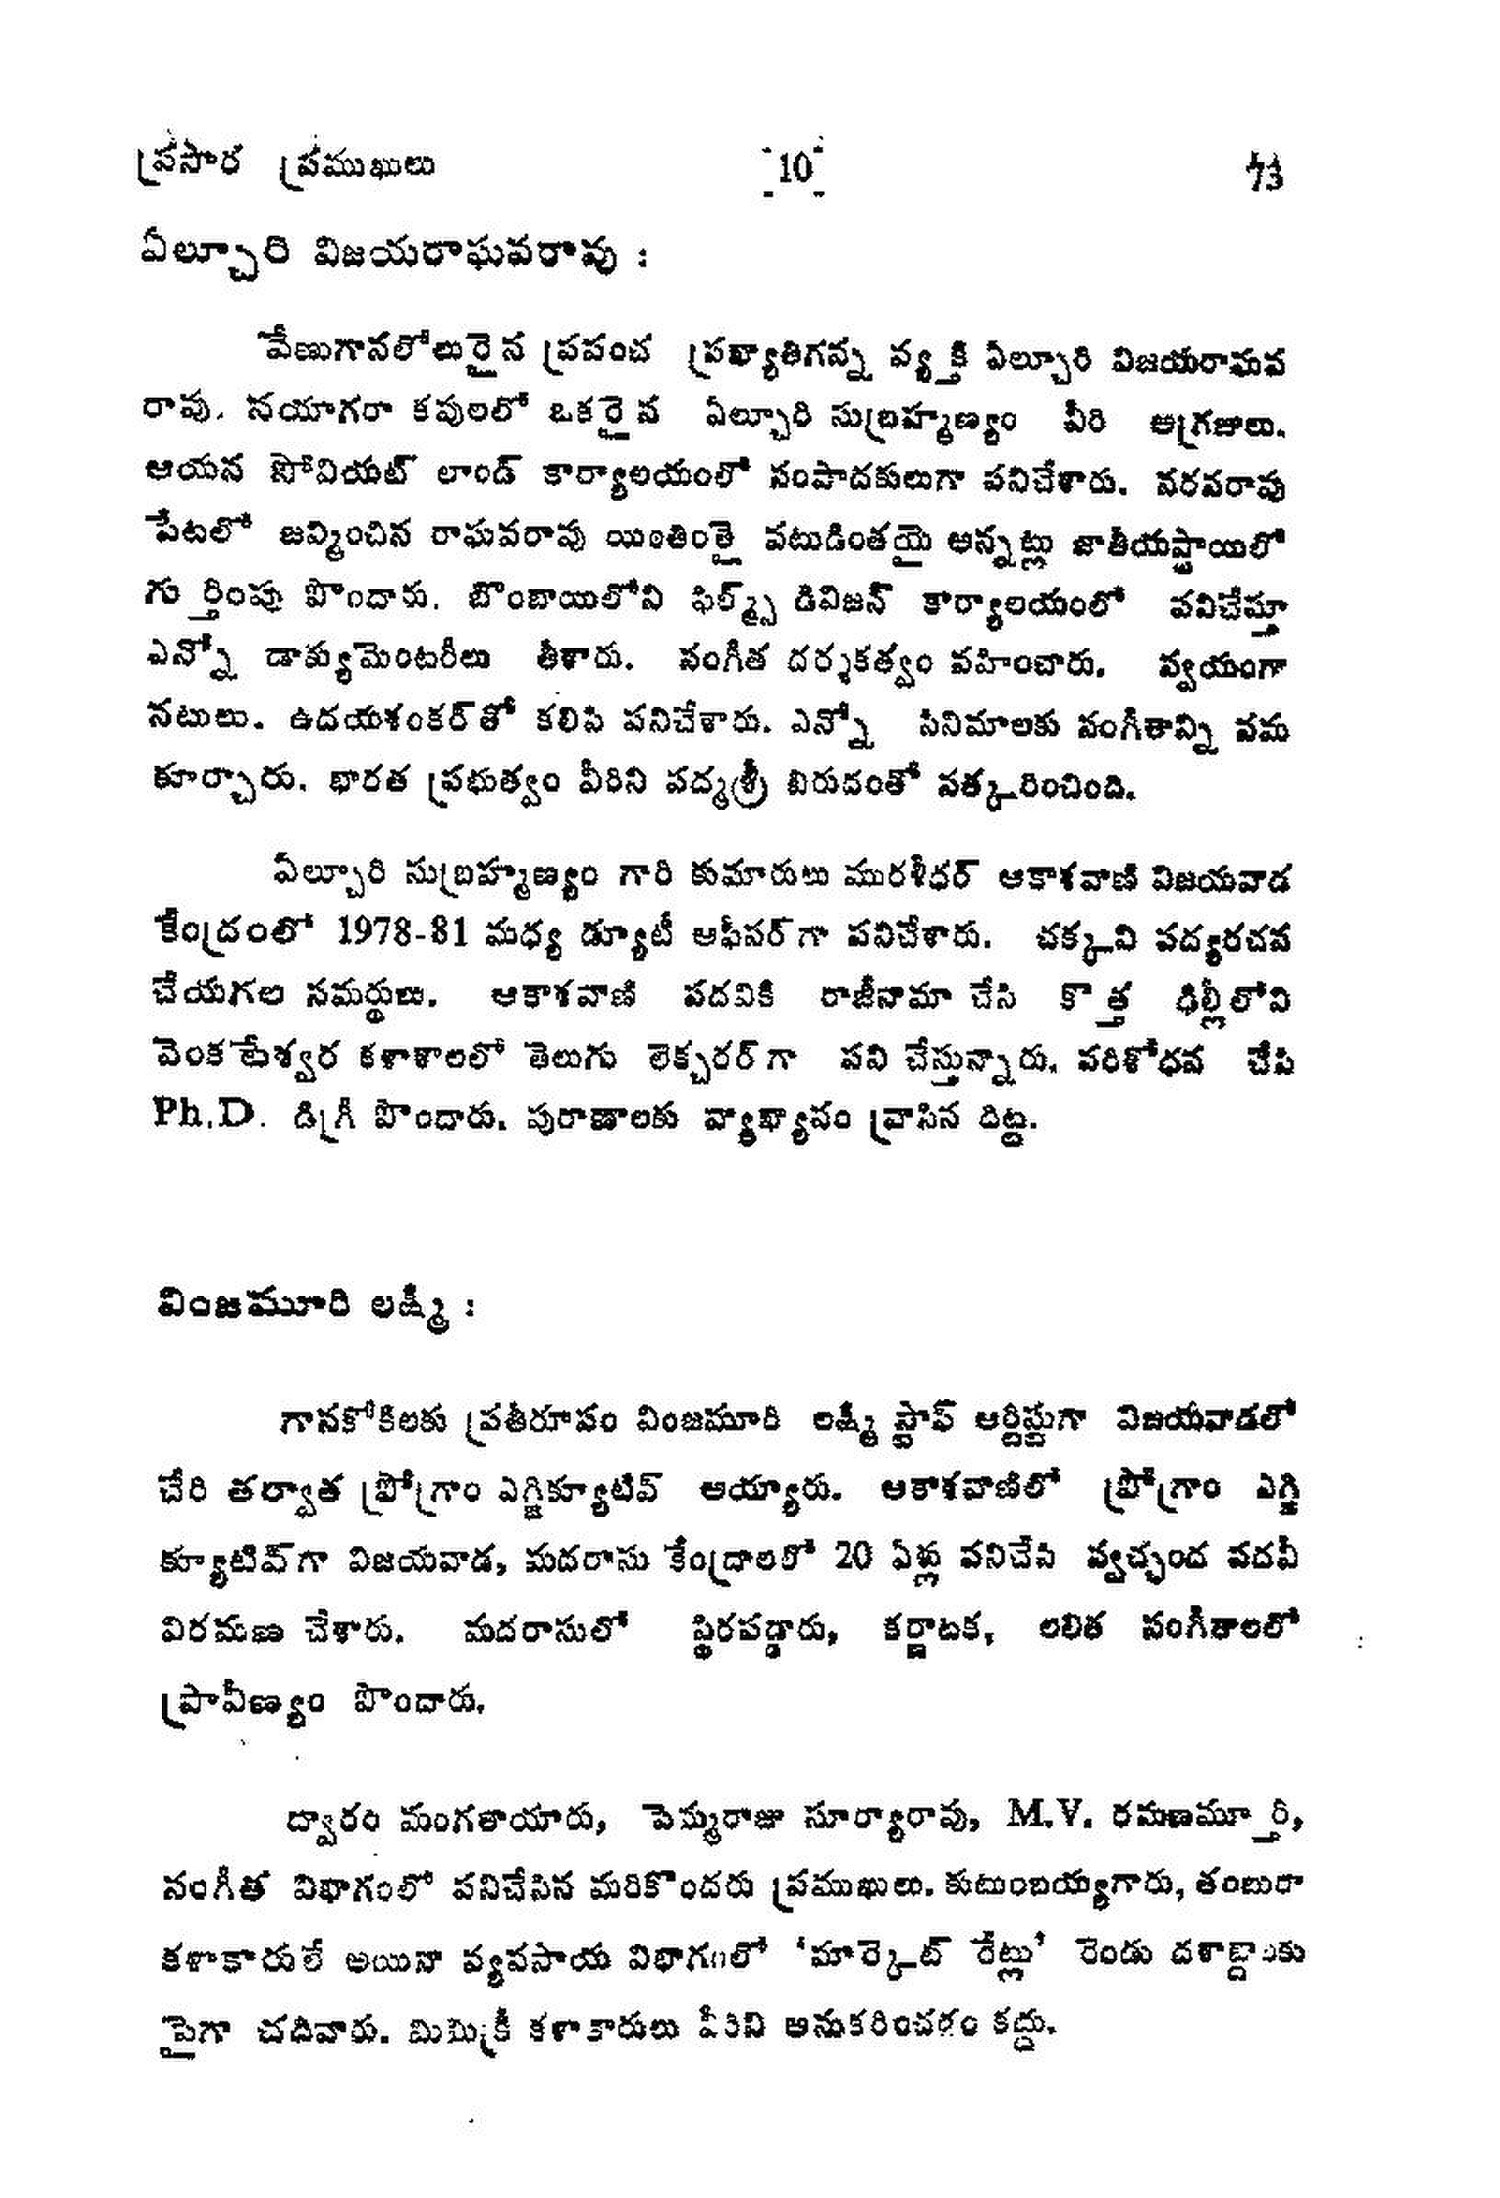వేణుగానలోలురైన ప్రపంచ ప్రఖ్యాతిగన్న వ్యక్తి ఏల్చూరి విజయరాఘవరావు. నయాగరా కవులలో ఒకరైన ఏల్చూరి సుబ్రహ్మణ్యం వీరి అగ్రజులు. ఆయన సోవియట్ లాండ్ కార్యాలయంలో సంపాదకులుగా పనిచేశారు. నరసరావు పేటలో జన్మించిన రాఘవరావు యింతింతై వటుడింతయై అన్నట్లు జాతీయస్థాయిలో గుర్తింపు పొందారు. బొంబాయిలోని ఫిల్మ్స్ డివిజన్ కార్యాలయంలో పనిచేస్తూ ఎన్నో డాక్యుమెంటరీలు తీశారు. సంగీత దర్శకత్వం వహించారు. స్వయంగా నటులు. ఉదయశంకర్‌తో కలిసి పనిచేశారు. ఎన్నో సినిమాలకు సంగీతాన్ని సమకూర్చారు. భారత ప్రభుత్వం వీరిని పద్మశ్రీ బిరుదంతో సత్కరించింది.

ఏల్చూరి సుబ్రహ్మణ్యం గారి కుమారులు మురళీధర్ ఆకాశవాణి విజయవాడ కేంద్రంలో 1978-81 మధ్య డ్యూటీ ఆఫీసర్ గా పనిచేశారు. చక్కని పద్యరచన చేయగల సమర్థులు. ఆకాశవాణి పదవికి రాజీనామా చేసి కొత్త ఢిల్లీలోని వెంకటేశ్వర కళాశాలలో తెలుగు లెక్చరర్‌గా పని చేస్తున్నారు. పరిశోధన చేసి Ph.D. డిగ్రీ పొందారు. పురాణాలకు వ్యాఖ్యానం వ్రాసిన దిట్ట.

గానకోకిలకు ప్రతిరూపం వింజమూరి లక్ష్మీ స్టాప్ ఆర్తిస్టుగా విజయవాడలో చేరి తర్వాత ప్రోగ్రాం ఎగ్జిక్యూటివ్ అయ్యారు. ఆకాశవాణిలో ప్రోగ్రాం ఎగ్జిక్యూటివ్‌గా విజయవాడ, మదరాసు కేంద్రాలలో 20 ఏళ్లు పనిచేసి స్వచ్చంద పదవీ విరమణ చేశారు. మదరాసులో స్థిరపడ్డారు. కర్ణాటక లలిత సంగీతాలలో ప్రావీణ్యం పొందారు.

ద్వారం మంగతాయారు, పెమ్మరాజు సూర్యారావు, M.V. రమణమూర్తి, సంగీత విభాగంలో పనిచేసిన మరికొందరు ప్రముఖులు. కుటుంబయ్యగారు, తంబురా కళాకారులే అయినా వ్యవసాయ విభాగంలో 'మార్కెట్ రేట్లు' రెండు దశాబ్దాలకు పైగా చదివారు. మిమిక్రీ కళాకారులు వీరిని అనుకరించడం కద్దు.